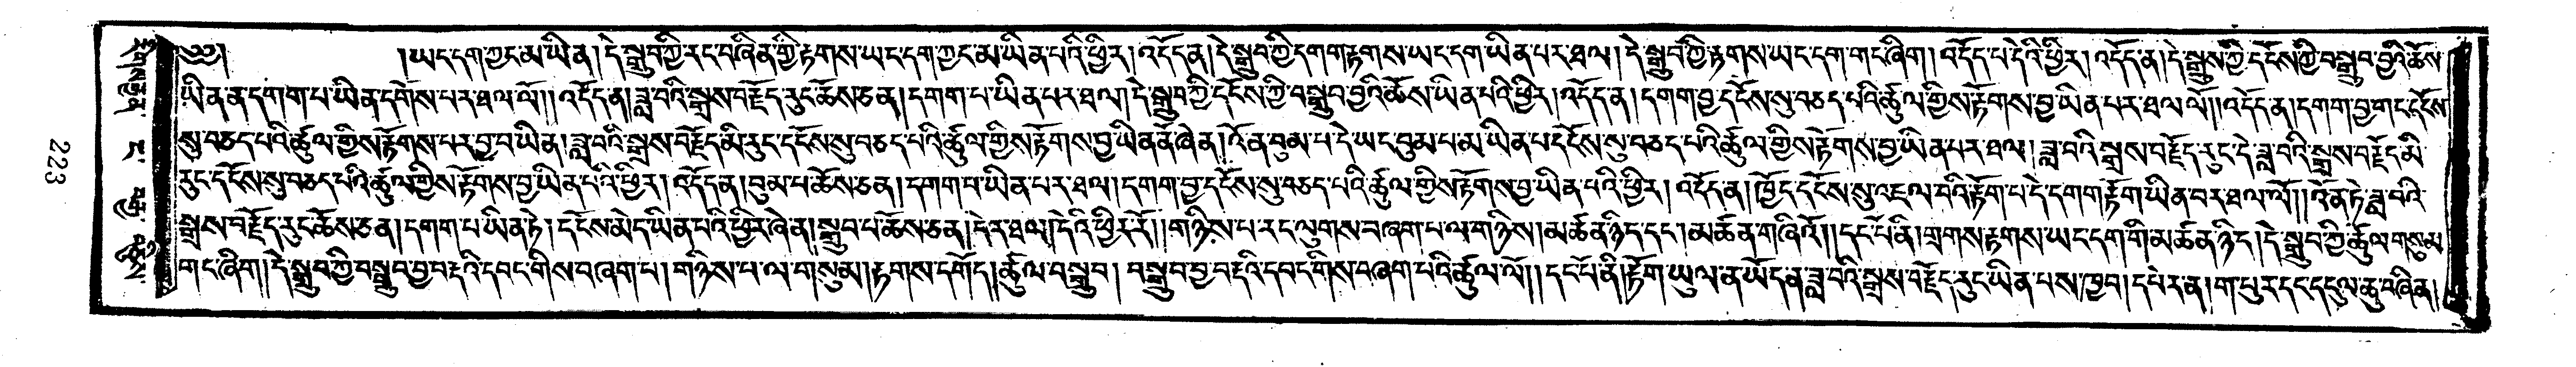༄༅། །ཡང་དག་ཀྱང་མ་ཡིན། དེ་སྒྲུབ་ཀྱི་རང་བཞིན་གྱི་རྟགས་ཡང་དག་ཀྱང་མ་ཡིན་པའི་ཕྱིར། འདོད་ན། དེ་སྒྲུབ་ཀྱི་དགག་རྟགས་ཡང་དག་ཡིན་པར་ཐལ། དེ་སྒྲུབ་ཀྱི་རྟགས་ཡང་དག་གང་ཞིག །འདོད་པ་དེའི་ཕྱིར། འདོད་ན། དེ་སྒྲུབ་ཀྱི་དངོས་ཀྱི་བསྒྲུབ་བྱའི་ཆོས་
ཡིན་ན་དགག་པ་ཡིན་དགོས་པར་ཐལ་ལོ། །འདོད་ན། ཟླ་བའི་སྒྲས་བརྗོད་རུང་ཆོས་ཅན། དགག་པ་ཡིན་པར་ཐལ། དེ་སྒྲུབ་ཀྱི་དངོས་ཀྱི་བསྒྲུབ་བྱའི་ཆོས་ཡིན་པའི་ཕྱིར། འདོད་ན། དགག་བྱ་དངོས་སུ་བཅད་པའི་ཚུལ་གྱིས་རྟོགས་བྱ་ཡིན་པར་ཐལ་ལོ། །འདོད་ན། དགག་བྱ་གང་དངོས་
སུ་བཅད་པའི་ཚུལ་གྱིས་རྟོགས་པར་བྱ་བ་ཡིན། ཟླ་བའི་སྒྲས་བརྗོད་མི་རུང་དངོས་སུ་བཅད་པའི་ཚུལ་གྱིས་རྟོགས་བྱ་ཡིན་ནོ་ཞེ་ན། འོ་ན་བུམ་པ་དེ་ཡང་བུམ་པ་མ་ཡིན་པ་དངོས་སུ་བཅད་པའི་ཚུལ་གྱིས་རྟོགས་བྱ་ཡིན་པར་ཐལ། ཟླ་བའི་སྒྲས་བརྗོད་རུང་དེ་ཟླ་བའི་སྒྲས་བརྗོད་མི་
རུང་དངོས་སུ་བཅད་པའི་ཚུལ་གྱིས་རྟོགས་བྱ་ཡིན་པའི་ཕྱིར། འདོད་ན། བུམ་པ་ཆོས་ཅན། དགག་པ་ཡིན་པར་ཐལ། དགག་བྱ་དངོས་སུ་བཅད་པའི་ཚུལ་གྱིས་རྟོགས་བྱ་ཡིན་པའི་ཕྱིར། འདོད་ན། ཁྱོད་དངོས་སུ་འཇལ་བའི་རྟོག་པ་དེ་དགག་རྟོག་ཡིན་པར་ཐལ་ལོ། །འོན་ཏེ་ཟླ་བའི་
སྒྲས་བརྗོད་རུང་ཆོས་ཅན། དགག་པ་ཡིན་ཏེ། དངོས་མེད་ཡིན་པའི་ཕྱིར་ཞེ་ན། སྒྲུབ་པ་ཆོས་ཅན། དེར་ཐལ། དེའི་ཕྱིར་རོ། །གཉིས་པ་རང་ལུགས་བཞག་པ་ལ་གཉིས། མཚན་ཉིད་དང་། མཚན་གཞིའོ། །དང་པོ་ནི། གྲགས་རྟགས་ཡང་དག་གི་མཚན་ཉིད། དེ་སྒྲུབ་ཀྱི་ཚུལ་གསུམ་
གང་ཞིག། དེ་སྒྲུབ་ཀྱི་བསྒྲུབ་བྱ་བརྡའི་དབང་གིས་བཞག་པ། གཉིས་པ་ལ་གསུམ། རྟགས་དགོད། ཚུལ་བསྒྲུབ། བསྒྲུབ་བྱ་བརྡའི་དབང་གིས་བཞག་པའི་ཚུལ་ལོ། །དང་པོ་ནི། རྟོག་ཡུལ་ན་ཡོད་ན་ཟླ་བའི་སྒྲས་བརྗོད་རུང་ཡིན་པས་ཁྱབ། དཔེར་ན། ག་བུར་དང་དངུལ་ཆུ་བཞིན།